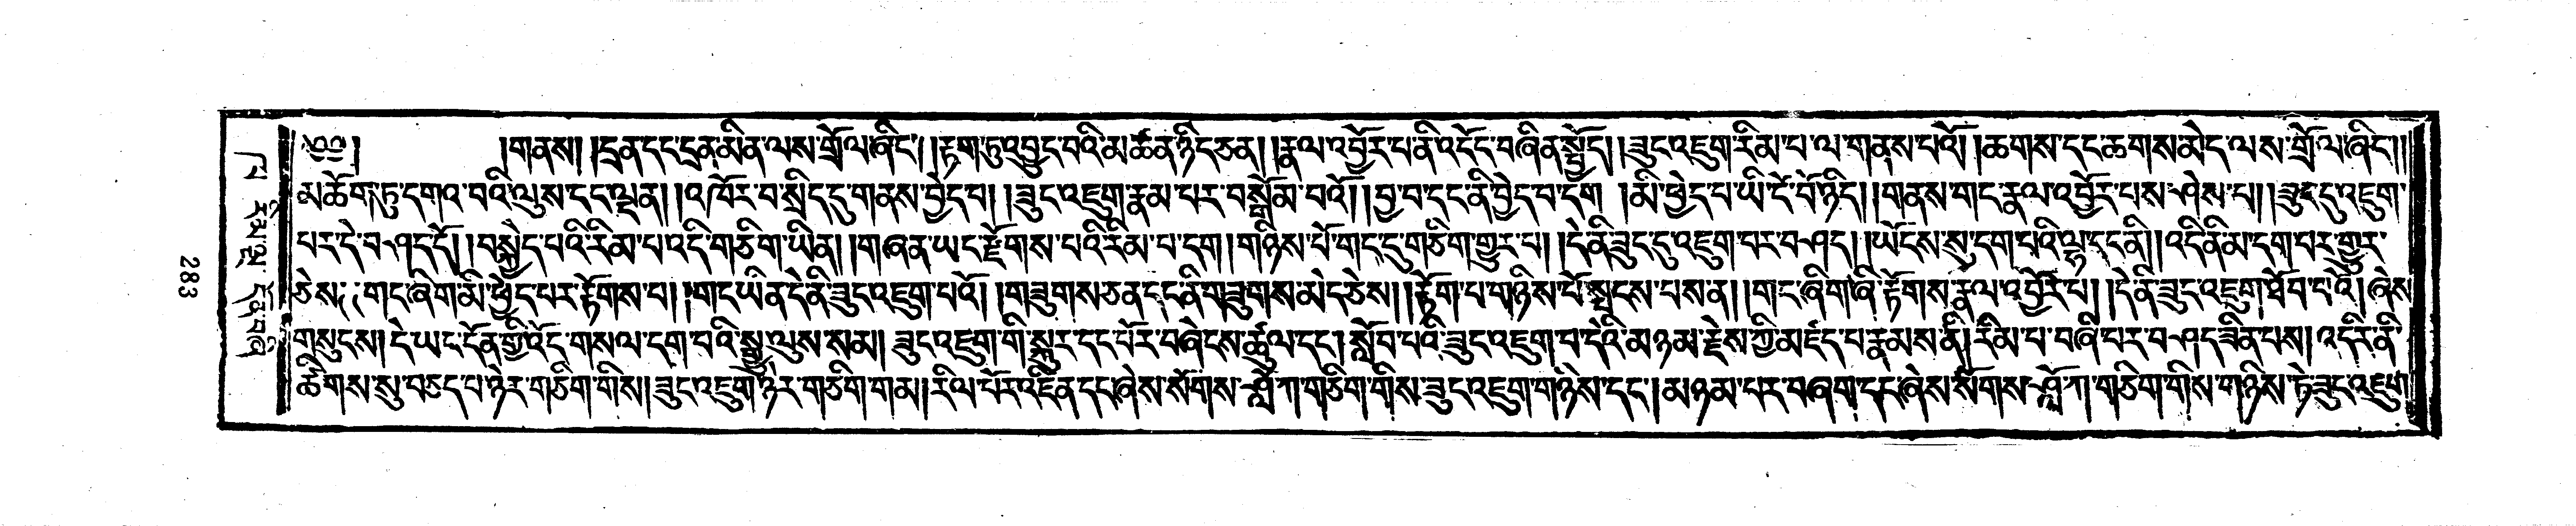༄༅། །གནས། །དྲན་དང་དྲན་མིན་ལས་གྲོལ་ཞིང་། །རྟག་ཏུ་འབྱུང་བའི་མཚན་ཉིད་ཅན། །རྣལ་འབྱོར་པ་ནི་འདོད་བཞིན་སྤྱོད། །ཟུང་འཇུག་རིམ་པ་ལ་གནས་པའོ། །ཆགས་དང་ཆགས་མེད་ལས་གྲོལ་ཞིང་།
མཆོག་ཏུ་དགའ་བའི་ལུས་དང་ལྡན། །འཁོར་བ་སྲིད་དུ་གནས་བྱེད་པ། །ཟུང་འཇུག་རྣམ་པར་བསྒོམ་པའོ། །བྱ་བ་དང་ནི་བྱེད་པ་དག །མི་ཕྱེད་པ་ཡི་ངོ་བོ་ཉིད། །གནས་གང་རྣལ་འབྱོར་པས་ཤེས་པ། །ཟུང་དུ་འཇུག་
པར་དེ་བཤད་དོ། །བསྐྱེད་པའི་རིམ་པ་འདི་གཅིག་ཡིན། །གཞན་ཡང་རྫོགས་པའི་རིམ་པ་དག །གཉིས་པོ་གང་དུ་གཅིག་གྱུར་པ། །དེ་ནི་ཟུང་དུ་འཇུག་པར་བཤད། །ཡོངས་སུ་དག་པའི་ལྷ་དང་ནི། །འདི་ནི་མ་དག་པར་གྱུར་
ཅེས༑ ༑གང་ཞིག་མི་ཕྱེད་པར་རྟོགས་པ། །གང་ཡིན་དེ་ནི་ཟུང་འཇུག་པའོ། །གཟུགས་ཅན་དང་ནི་གཟུགས་མེད་ཅེས། །རྟོག་པ་གཉིས་པོ་སྤངས་པས་ན། །གང་ཞིག་ཞི་རྟོགས་རྣལ་འབྱོར་པ། །དེ་ནི་ཟུང་འཇུག་ཐོབ་པའོ། །ཞེས་
གསུངས། དེ་ཡང་དོན་གྱི་འོད་གསལ་དག་པའི་སྒྱུ་ལུས་སམ། ཟུང་འཇུག་གི་སྐུར་དང་པོར་བཞེངས་ཚུལ་དང་། སློབ་པའི་ཟུང་འཇུག་པ་དེའི་མཉམ་རྗེས་ཀྱི་མཛད་པ་རྣམས་ནི། རིམ་པ་བཞི་པར་བཤད་ཟིན་པས། འདིར་ནི་
ཚིགས་སུ་བཅད་པ་ཉེར་གཅིག་གིས། ཟུང་འཇུག་ཉེར་གཅིག་གམ། རིལ་པོར་འཛིན་དང་ཞེས་སོགས་ཤློ་ཀ་གཅིག་གིས་ཟུང་འཇུག་གཉིས་དང་། མཉམ་པར་བཞག་དང་ཞེས་སོགས་ཤློ་ཀ་གཅིག་གིས་གཉིས་ཏེ་ཟུང་འཇུག་